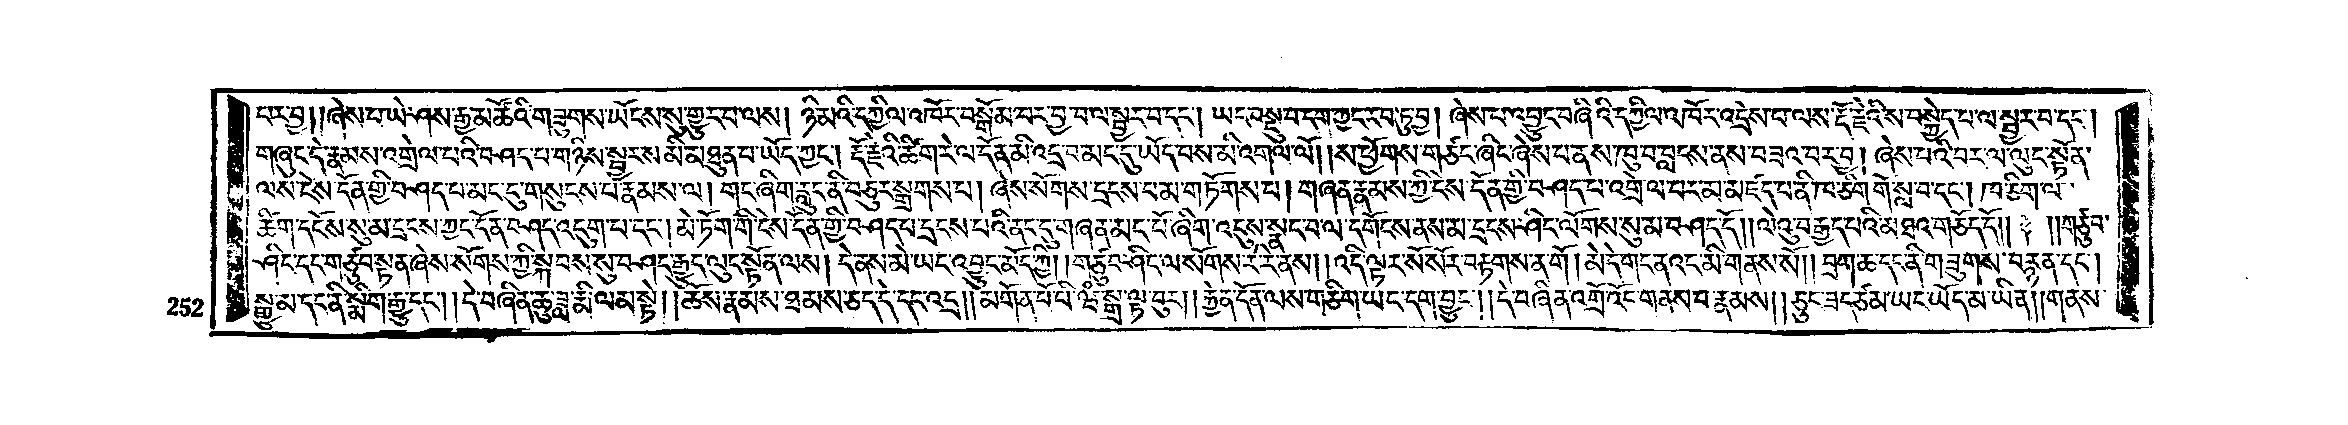པར་བྱ། །ཞེས་པ་ཡེ་ཤེས་རྒྱ་མཚོའི་གཟུགས་ཡོངས་སུ་གྱུར་པ་ལས། ཉི་མའི་དཀྱིལ་འཁོར་བསྒོམ་པར་བྱ་བ་ལ་སྦྱར་བ་དང་། ཡང་བསྡུ་བ་དག་ཀྱང་རབ་ཏུ་བྱ། ཞེས་པ་འབྱུང་བཞིའི་དཀྱིལ་འཁོར་འདྲེས་པ་ལས་རྡོ་རྗེའི་ས་བསྐྱེད་པ་ལ་སྦྱར་བ་དང་།
གཞུང་དེ་རྣམས་འགྲེལ་པའི་བཤད་པ་གཉིས་སྦྱར་ས་མི་མཐུན་པ་ཡོད་ཀྱང་། རྡོ་རྗེའི་ཚིག་རེ་ལ་དོན་མི་འདྲ་བ་མང་དུ་ཡོད་པས་མི་འགལ་ལོ། །ས་ཕྱོགས་གཙང་ཞིང་ཞེས་པ་ནས་ཁུ་བ་བླངས་ནས་བཟའ་བར་བྱ། ཞེས་པའི་བར་ལ་ལུང་སྟོན་
ལས་ངེས་དོན་གྱི་བཤད་པ་མང་དུ་གསུངས་པ་རྣམས་ལ། གང་ཞིག་རླུང་ནི་བཅུར་སྒྲགས་པ། ཞེས་སོགས་དྲངས་པ་མ་གཏོགས་པ། གཞན་རྣམས་ཀྱི་ངེས་དོན་གྱི་བཤད་པ་འགྲེལ་པར་མ་མཛད་པ་ནི་ཁ་ཅིག་གོ་སླ་བ་དང་། ཁ་ཅིག་ལ་
ཚིག་དངོས་སུ་མ་དྲངས་ཀྱང་དོན་བཤད་འདུག་པ་དང་། མེ་ཏོག་གི་ངེས་དོན་གྱི་བཤད་པ་དྲངས་པའི་ནང་དུ་གཞན་མང་པོ་ཞིག་འདུས་སྣང་བ་ལ་དགོངས་ནས་མ་དྲངས་ཤིང་ལོགས་སུ་མ་བཤད་དོ། །ལེའུ་བརྒྱད་པའི་མཐའ་གཅོད་དོ།། ༈ །།གཙུབ་
ཤིང་དང་གཙུབ་སྟན་ཞེས་སོགས་ཀྱི་སྐབས་སུ་བཤད་རྒྱུད་ལུང་སྟོན་ལས། དེ་ནས་མེ་ཡང་འབྱུང་མོད་ཀྱི། །གཙུབ་ཤིང་ལ་སོགས་རེ་རེ་ནས། །འདི་ལྟར་སོ་སོར་བརྟགས་ན་གོ །མེ་དེ་གང་ནའང་མི་གནས་སོ། །བྲག་ཆ་དང་ནི་གཟུགས་བརྙན་དང་།
སྒྱུ་མ་དང་ནི་སྨིག་རྒྱུ་དང་། །དེ་བཞིན་ཆུ་ཟླ་རྨི་ལམ་སྟེ། །ཆོས་རྣམས་ཐམས་ཅད་དེ་དང་འདྲ། །མགོན་པོ་པི་ཝཾ་སྒྲ་ལྟ་བུར། །རྐྱེན་དོན་ལས་གཅིག་ཡང་དག་བྱུང་། །དེ་བཞིན་འགྲོ་འོང་གནས་པ་རྣམས། །ཅུང་ཟད་ཙམ་ཡང་ཡོང་མ་ཡིན། །གནས་